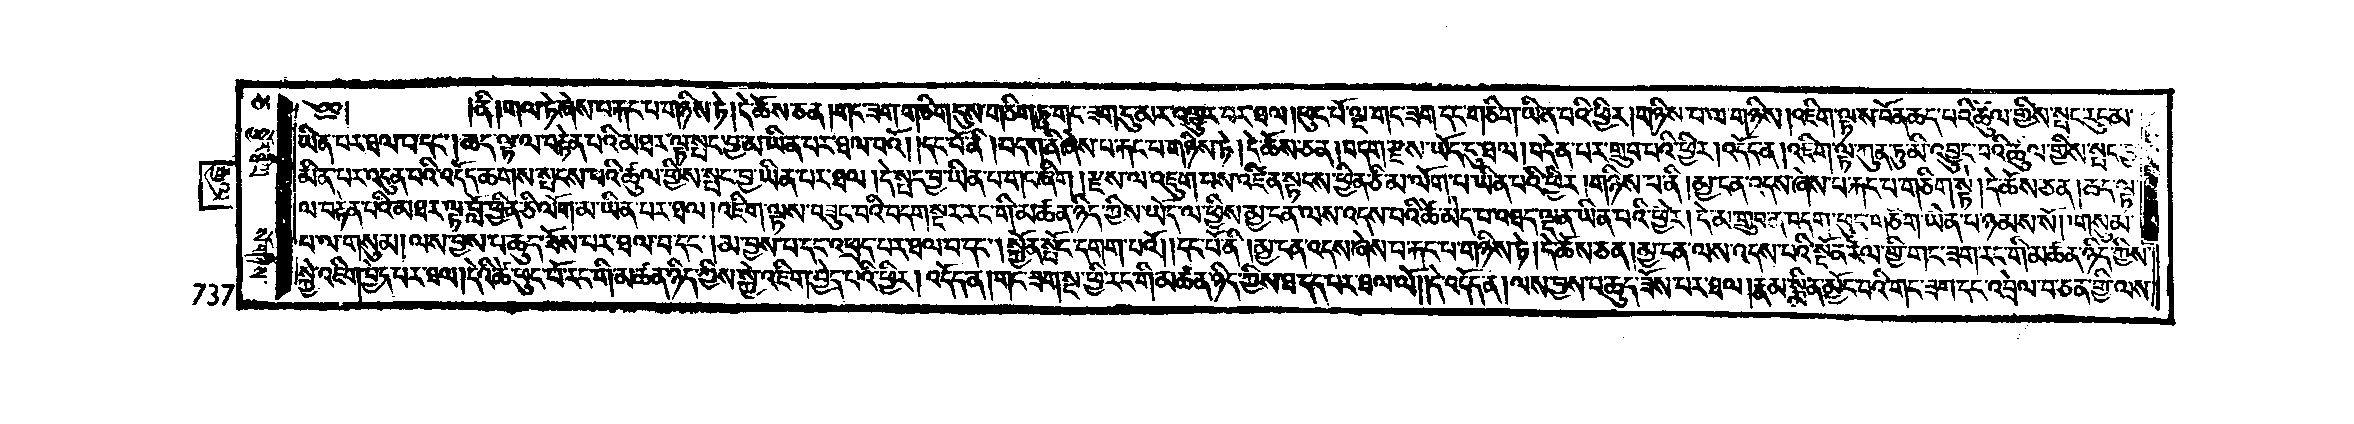༄༅། །ནི། གལ་ཏེ་ཞེས་པ་རྐང་པ་གཉིས་ཏེ། དེ་ཆོས་ཅན། གང་ཟག་གཅིག་དུས་གཅིག་ཏུ་གང་ཟག་དུ་མར་འགྱུར་བར་ཐལ། ཕུང་པོ་ལྔ་གང་ཟག་དང་གཅིག་ཡིན་པའི་ཕྱིར། གཉིས་པ་ལ་གཉིས། འཇིག་ལྟ་ས་བོན་ཆད་པའི་ཚུལ་གྱིས་སྤང་རུང་མ་
ཡིན་པར་ཐལ་བ་དང་། ཆད་ལྟ་ལ་བརྟེན་པའི་མཐར་ལྟ་སྤང་བྱ་མ་ཡིན་པར་ཐལ་བའོ། །དང་པོ་ནི། བདག་ནི་ཞེས་པ་རྐང་པ་གཉིས་ཏེ། དེ་ཆོས་ཅན། བདག་རྫས་ཡོད་དུ་ཐལ། བདེན་པར་གྲུབ་པའི་ཕྱིར། འདོད་ན། འཇིག་ལྟ་ཀུན་ཏུ་མི་འབྱུང་བའི་ཚུལ་གྱིས་སྤང་བྱ་
མིན་པར་འདུན་པའི་འདོད་ཆགས་སྤངས་པའི་ཚུལ་གྱིས་སྤང་བྱ་ཡིན་པར་ཐལ། དེ་སྤང་བྱ་ཡིན་པ་གང་ཞིག །རྫས་ལ་འཇུག་པས་འཛིན་སྟངས་ཕྱིན་ཅི་མ་ལོག་པ་ཡིན་པའི་ཕྱིར། གཉིས་པ་ནི། མྱ་ངན་འདས་ཞེས་པ་རྐང་པ་གཅིག་སྟེ། དེ་ཆོས་ཅན། ཆད་ལྟ་
ལ་བརྟེན་པའི་མཐར་ལྟ་བློ་ཕྱིན་ཅི་ལོག་མ་ཡིན་པར་ཐལ། འཇིག་ལྟས་བཟུང་བའི་བདག་སྔར་རང་གི་མཚན་ཉིད་ཀྱིས་ཡོད་ལ་ཕྱིས་མྱ་ངན་ལས་འདས་པའི་ཚེ་མེད་པ་འཐད་ལྡན་ཡིན་པའི་ཕྱིར། དེ་མ་གྲུབ་ན་བདག་ཕུང་གཅིག་ཡིན་པ་ཉམས་སོ། །གསུམ་
པ་ལ་གསུམ། ལས་བྱས་པ་ཆུད་ཟོས་པར་ཐལ་བ་དང་། མ་བྱས་པ་དང་འཕྲད་པར་ཐལ་བ་དང་། སྐྱོན་སྤོང་དགག་པའོ། །དང་པོ་ནི། མྱ་ངན་འདས་ཞེས་པ་རྐང་པ་གཉིས་ཏེ། དེ་ཆོས་ཅན། མྱ་ངན་ལས་འདས་པའི་སྔོན་རོལ་གྱི་གང་ཟག་རང་གི་མཚན་ཉིད་ཀྱིས་
སྐྱེ་འཇིག་བྱེད་པར་ཐལ། དེའི་ཚེ་ཕུང་པོ་རང་གི་མཚན་ཉིད་ཀྱིས་སྐྱེ་འཇིག་བྱེད་པའི་ཕྱིར། འདོད་ན། གང་ཟག་སྔ་ཕྱི་རང་གི་མཚན་ཉིད་ཀྱིས་ཐ་དད་པར་ཐལ་ལོ། །དེ་འདོད་ན། ལས་བྱས་པ་ཆུད་ཟོས་པར་ཐལ། རྣམ་སྨིན་མྱོང་བའི་གང་ཟག་དང་འབྲེལ་བ་ཅན་གྱི་ལས་